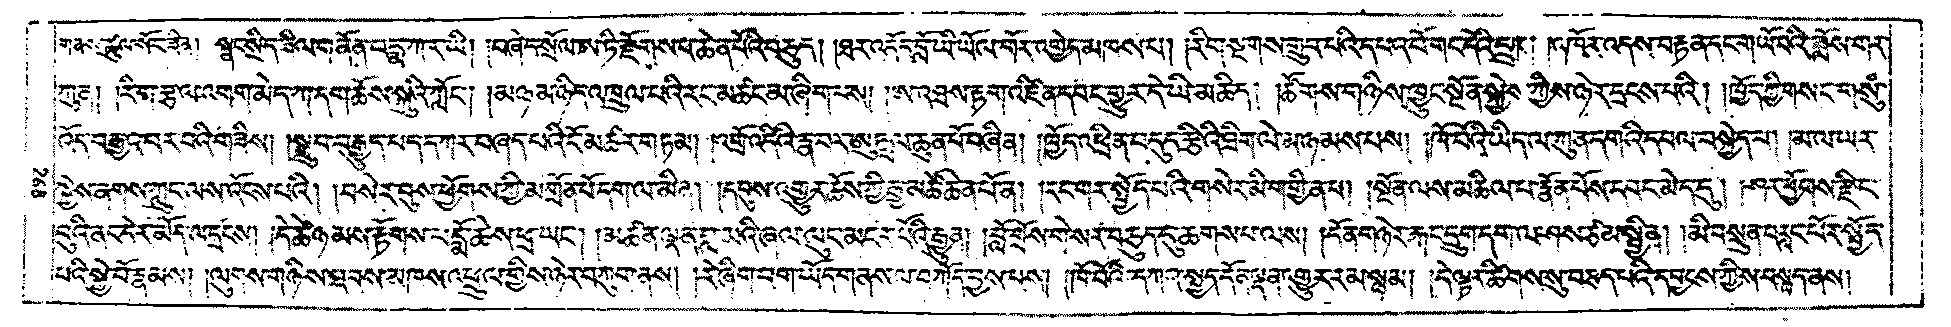གནས་ཚུལ་སོང་ཟིན། སྣང་སྲིད་ཟིལ་གནོན་པདམ་ཀ་ར་ཡི། །བཞེད་སྲོལ་ཨ་ཏི་རྫོགས་པ་ཆེན་པོའི་བཅུད། །ཐར་འདོད་བློ་ཡི་ཡོལ་གོར་འགྱེད་མཁས་པ། །རིག་སྔགས་གྲུབ་པའི་དཔའ་བོ་གང་དེའི་དྲུང་། །འཁོར་འདས་བརྟན་དང་གཡོ་བའི་ཟློས་གར་
ཀུན། །རིག་རྩལ་འགག་མེད་ཀ་དག་ཆོས་སྐུའི་ཀློང་། །མཉམ་ཉིད་འཁྲུལ་པའི་རང་མཚང་མ་ཞིག་པས། །ཨ་འཐས་རྟག་འཛིན་དབང་གྱུར་དེ་ཡི་མཆིད། །ཚོགས་གཉིས་ཁྱུང་སྔོན་སྐྱེས་ཀྱིས་ཉེར་དྲངས་པའི། །ཁྱོད་ཀྱི་གསང་གསུཾ་
འོད་བརྒྱ་འབར་བའི་གཟིས། །སྒྲུབ་བརྒྱུད་པད་དཀར་བཞད་པའི་ངོ་མཚར་གཏམ། །འགྲོ་འདིའི་རྣ་བར་ཨུཏྤལ་ཆུན་པོ་བཞིན། །ཁྱོད་འཕྲིན་བདུད་རྩིའི་ཐིག་ལེ་མ་ཉམས་པས། །ཁོ་བོའི་ཡིད་ལ་ཀུན་དགའི་དཔལ་བསྐྱེད་པ། །མ་ལ་ཡར་
སྐྱེས་ནགས་ཀླུང་ལས་འོངས་པའི། །བསེར་བུས་ཕྱོགས་ཀྱི་མགྲོན་པོ་དག་ལ་མིན། །དབུས་འགྱུར་ཆོས་ཀྱི་རྒྱ་མཚོ་ཆེན་པོ་ན། །རང་གར་སྤྱོད་པའི་གསེར་མིག་གྱི་ན་པ། །སྔོན་ལས་མཆིལ་རྣོན་པོས་དབང་མེད་དུ། །ཤར་ཕྱོགས་རྫིང་
བུའི་ནང་དེར་མོད་ལ་དྲངས། །དེ་ཚེ་ཉམས་རྟོགས་པདམོ་ཆེས་ཕྲ་ཡང་། །མཚན་ལྡན་བླ་མའི་ཞལ་ལུང་མངར་པོའི་རྒྱུན། །བློ་གྲོས་གེ་སར་བཅུད་དུ་ཆགས་པ་ལས། །དོན་གཉེར་རྐང་དྲུག་དག་ལ་ཤས་ཙམ་སྦྱིན། །མི་བསྲུན་བརླང་པོར་སྤྱོད་
པའི་སྐྱེ་བོ་རྣམས། །ལུགས་གཉིས་ཐབས་མཁས་འཕྲུལ་གྱིས་ཉེར་བཀུག་ནས། །རེ་ཞིག་བག་ཡོད་གནས་ལ་བཀོད་བྱས་པས། །ཁོ་བོའི་དཀའ་སྤྱད་དོན་ལྡན་འགྱུར་རམ་སྙམ། །དེ་ལྟར་ཚིགས་སུ་བཅད་པའི་དབྱངས་ཀྱིས་བསྙད་ནས།